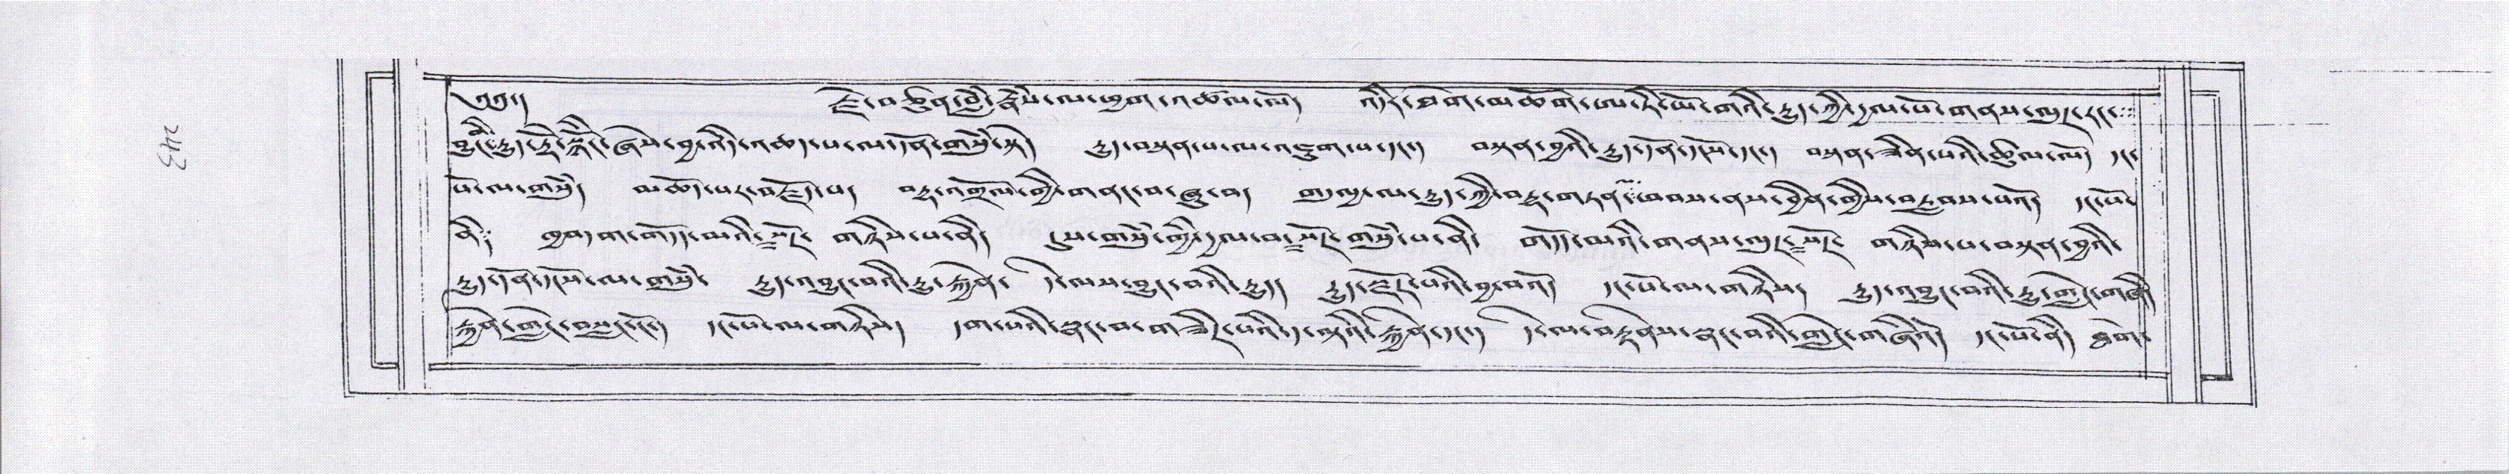༄༅།། རྗེ་བཙུན་བླ་མ་རྣམས་ལ་ཕག་འཚལ་ལོ། འདིར་ཐེག་མཆོག་ཨ་ཏི་ཡོ་གའི་རྒྱུད་ཀྱི་རྒྱལ་པོ་གནས་ལུགས་རང་
བྱུང་གི་རྒྱུད་རྡོ་རྗེ་སྙིང་པོ་ཞེས་བྱ་འདི་འཆད་པ་ལ་དོན་གསུམ་སྟེ། རྒྱུད་བསྟན་པ་ལ་འཇུག་པ་དང། བསྟན་བྱའི་རྒྱུད་དོན་དངོས་དང། བསྟན་ཟིན་པའི་ཚུལ་ལོ། དང་
པོ་ལ་གསུམ། མཆོད་པར་བརྗོད་པ། བརྡ་འགྲོལ་གྱི་གནང་བ་ཞུ་བ། གདུལ་བྱ་ལ་རྒྱུད་ཀྱི་བརྡ་གཏན་ལ་ཕབས་ནས་བྱིན་གྱིས་བརླབས་པའོ། དང་པོ་
ནི། ཁྱབ་བདག་གདོད་མའི་སོགས། གཉིས་པ་ནི། དུས་གསུམ་གྱི་རྒྱལ་བ་སོགས། གསུམ་པ་ནི། གདོད་མའི་གནས་ལུགས་སོགས། གཉིས་པ་བསྟན་བྱའི་
རྒྱུད་དོན་དངོས་ལ་གསུམ། རྒྱུད་འབྱུང་བའི་རྒྱུ་རྐྱེན། དེ་ལས་བྱུང་བའི་རྒྱུད། རྒྱུད་རྫོགས་པའི་བྱ་བའོ། དང་པོ་ལ་གཉིས། རྒྱུད་འབྱུང་བའི་རྒྱུ་གླེང་གཞི་
རྐྱེན་གླེང་བསླང་ངོ། དང་པོ་ལ་གཉིས། དག་པའི་སྣང་བ་གཟིགས་པའི་ད་ལྟའི་རྐྱེན་དང། དེ་ལ་བརྟེན་ནས་སྣང་བའི་གླེང་གཞིའོ། དང་པོ་ནི། ཐེག་